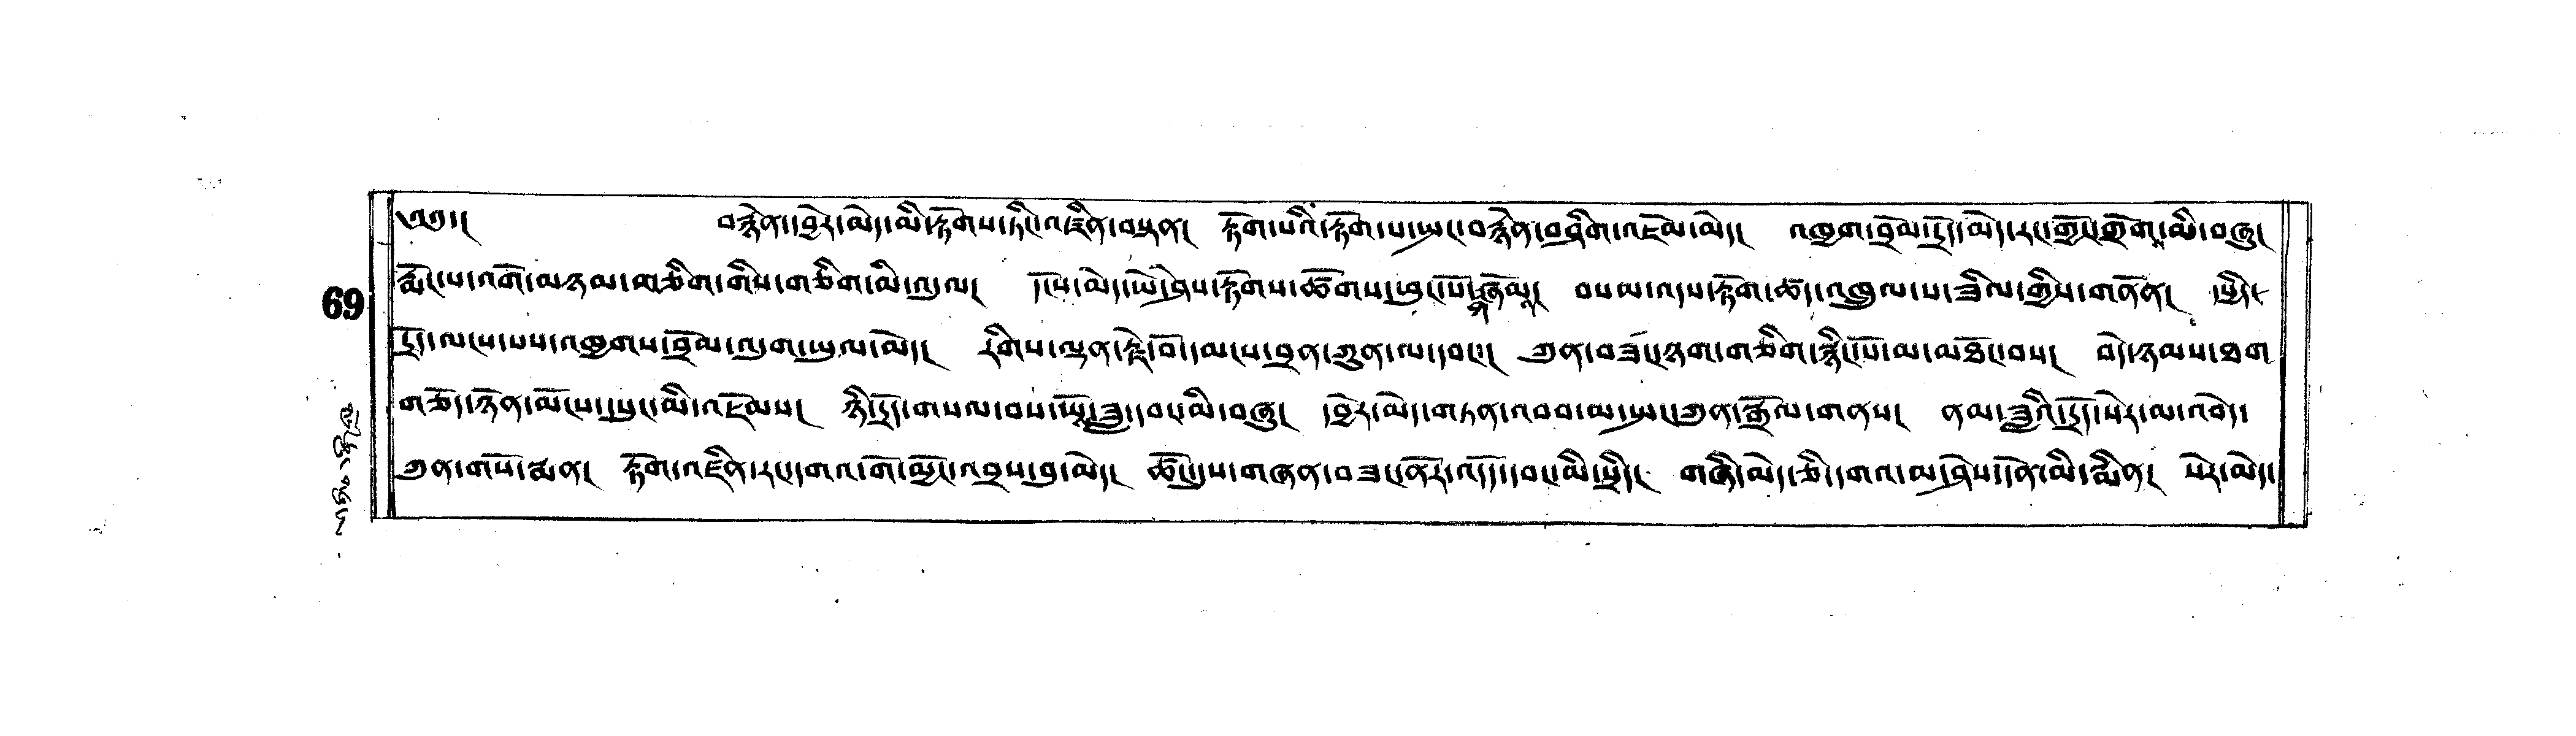ཉེན་དབྱེར་མེད་མི་རྟོག་ཏིང་འཛིན་བསྟན། རྟོག་པས་རྟོག་པ་སྤང་གཉེན་བཤིག་འཇོམ་མེད། འཁྱག་བྲོམ་དྲོ་མེད་རང་གྱོང་གྲོགས་མི་བཞུ། 
རྨོངས་པ་མགོ་མཉམ་གཅིག་གིས་གཅིག་མི་འདུལ། དངོས་མེད་ཡེ་ཤེས་རྟོག་ཚོགས་ཕུང་པོ་གཞོམ། བསམ་འདས་རྟོགས་ཚད་འཁྲུལ་པ་ཟིལ་གྱིས་གནོན། དཔྱིད་
དྲོད་ལངས་པས་འཁྱག་བྲོམ་འདུག་ཡུལ་མེད། རིགས་ལྡན་རྗེ་བོ་དམངས་བྲན་ཀུན་ལ་དབང་། ཀུན་བཟང་ཉག་ཅིག་སྙིང་པོ་མ་མཐོང་བས། བདེ་ཉམས་ཐག་
གཅོད་ཉོན་མོངས་དཔུང་མི་འཇོམས། ཉི་དྲོད་གསལ་བས་ཡོས་ཟླ་དབང་མི་བཞུ། དབྱེར་མེད་གཏན་འབབ་མ་སྤང་ཀུན་སྒྲོལ་གནས། ནམ་ཟླའི་དྲོད་སེར་མ་འབོད་
ཀུན་གསོ་སྨན། རྟོག་འཛིན་རང་ག་གོ་མྱོང་འབྲས་བུ་མེད། ཚོང་འདུས་གཞན་བཟང་ནོར་འདོད་དབང་མི་སྲིད། གཞི་མེད་ཅི་དགའ་མ་ཤེས་དོན་མི་སྨིན། སེར་མེད་